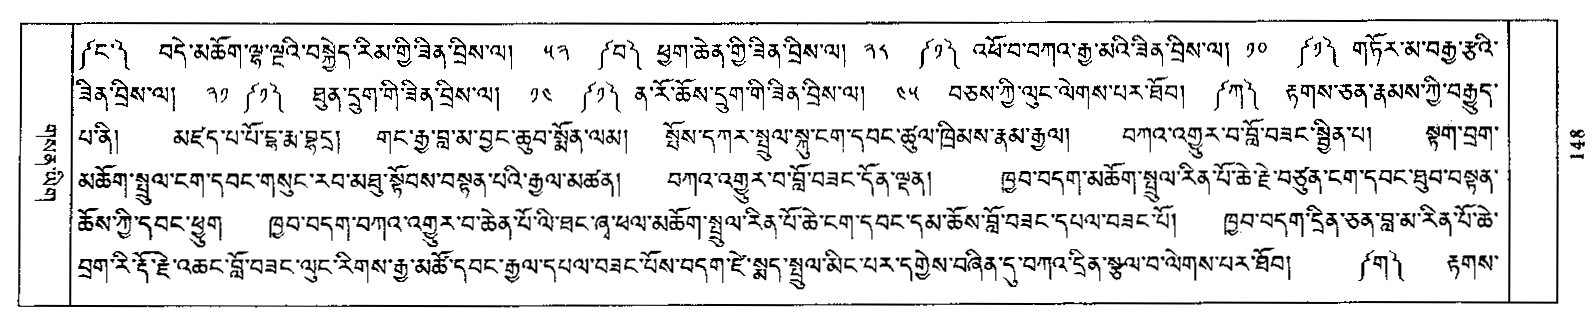༼ང྄་བདེ་མཆོག་ལྷ་ལྔའི་བསྐྱེད་རིམ་གྱི་ཟིན་བྲིས་ལ། ༥༢་༽བ྄་ཕྱག་ཆེན་གྱི་ཟིན་བྲིས་ལ། ༢༨ ༼༡?་འཕོ་བ་བཀའ་རྒྱ་མའི་ཟིན་བྲིས་ལ། ༡༠་༽༡?་གཏོར་མ་བརྒྱ་རྩའི་
ཟིན་བྲིས་ལ། ༢༡ ༼༡?་ཐུན་དྲུག་གི་ཟིན་བྲིས་ལ། ༡༤་༽༡?་ན་རོ་ཆོས་དྲུག་གི་ཟིན་བྲིས་ལ། ༤༥་བཅས་ཀྱི་ལུང་ལེགས་པར་ཐོབ། ཀ྄་རྟགས་ཅན་རྣམས་ཀྱི་བརྒྱུད་
པ་ནི། མཛད་པ་པོ་དྷ་རྨ་བྷདྲ། གང་རྒྱ་བླ་མ་བྱང་ཆུབ་སྨོན་ལམ། སྤོས་དཀར་སྤྲུལ་སྐུ་ངག་དབང་ཚུལ་ཁྲིམས་རྣམ་རྒྱལ། བཀའ་འགྱུར་བ་བློ་བཟང་སྦྱིན་པ། སྟག་བྲག་
མཆོག་སྤྲུལ་ངག་དབང་གསུང་རབ་མཐུ་སྟོབས་བསྟན་པའི་རྒྱལ་མཚན། བཀའ་འགྱུར་བ་བློ་བཟང་དོན་ལྡན། ཁྱབ་བདག་མཆོག་སྤྲུལ་རིན་པོ་ཆེ་རྗེ་བཙུན་ངག་དབང་ཐུབ་བསྟན་
ཆོས་ཀྱི་དབང་ཕྱུག་ཁྱབ་བདག་བཀའ་འགྱུར་བ་ཆེན་པོ་ལི་ཐང་ཞྭ་ཕལ་མཆོག་སྤྲུལ་རིན་པོ་ཆེ་ངག་དབང་དམ་ཆོས་བློ་བཟང་དཔལ་བཟང་པོ། ཁྱབ་བདག་དྲིན་ཅན་བླ་མ་རིན་པོ་ཆེ་
བྲག་རི་རྡོ་རྗེ་འཆང་བློ་བཟང་ལུང་རིགས་རྒྱ་མཚོ་དབང་རྒྱལ་དཔལ་བཟང་པོས་བདག་ཛེ་སྨད་སྤྲུལ་མིང་པར་དགྱེས་བཞིན་དུ་བཀའ་དྲིན་སྩལ་བ་ལེགས་པར་ཐོབ། ག྄་རྟགས་